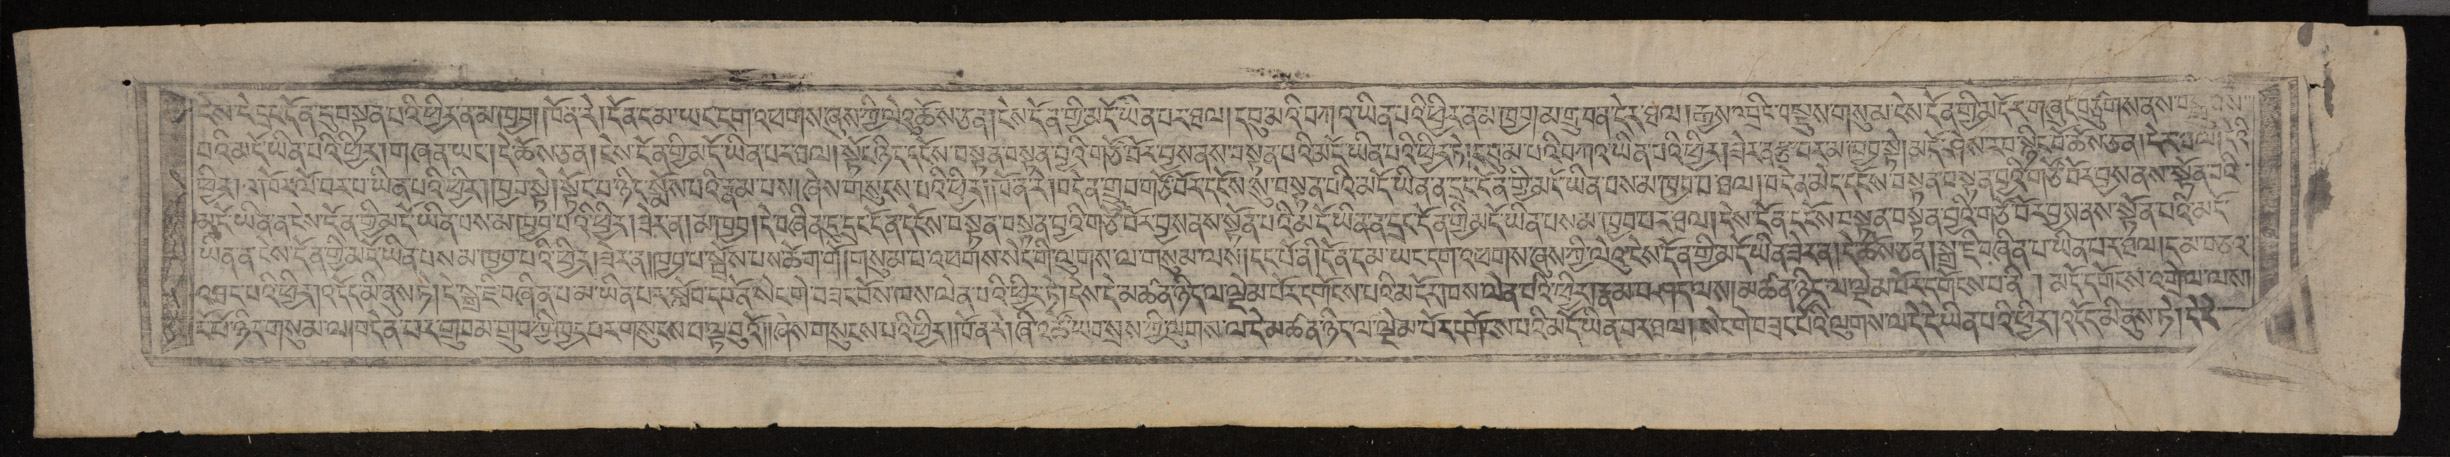དེས་དེ་དྲང་དོན་དུ་བསྟན་པའི་ཕྱིར་ན་མ་ཁྱབ། ཁོ་ན་རེ། དོན་དམ་ཡང་དག་འཕགས་ཞུས་ཀྱི་ལེའུ་ཆོས་ཅན། ངེས་དོན་གྱི་མདོ་ཡིན་པར་ཐལ། དབུ་མའི་བཀའ་ཡིན་པའི་ཕྱིར་ན་མ་ཁྱབ། མ་གྲུབ་ན་དེར་ཐལ། རྒྱས་འབྲིང་བསྡུས་གསུམ་ངེས་དོན་གྱི་མདོར་གཞུང་བཙུགས་ནས་བསྒྲུབས་
པའི་མདོ་ཡིན་པའི་ཕྱིར། གཞན་ཡང་། དེ་ཆོས་ཅན། ངེས་དོན་གྱི་མདོ་ཡིན་པར་ཐལ། སྟོང་ཉིད་དངོས་བསྟན་བསྟན་བྱའི་གཙོ་བོར་བྱས་ནས་བསྟན་པའི་མདོ་ཡིན་པའི་ཕྱིར་ཏེ། དབུ་མ་པའི་བཀའ་ཡིན་པའི་ཕྱིར། ཟེར་ན་རྩ་བར་མ་ཁྱབ་སྟེ། མདོ་ཤེས་རབ་སྙིང་པོ་ཆོས་ཅན། དེར་ཐལ། དེའི་
ཕྱིར། འཁོར་ལོ་བར་བ་ཡིན་པའི་ཕྱིར། ཁྱབ་སྟེ། སྟོང་པ་ཉིད་སྨོས་པའི་རྣམ་པས། ཞེས་གསུངས་པའི་ཕྱིར། ཁོ་ན་རེ། བདེན་གྲུབ་གཙོ་བོར་དངོས་སུ་བསྟན་པའི་མདོ་ཡིན་ན་དྲང་དོན་གྱི་མདོ་ཡིན་པས་མ་ཁྱབ་པ་ཐལ། བདེན་མེད་དངོས་བསྟན་བསྟན་བྱའི་གཙོ་བོར་བྱས་ནས་སྟོན་པའི་
མདོ་ཡིན་ན་ངེས་དོན་གྱི་མདོ་ཡིན་པས་མ་ཁྱབ་པའི་ཕྱིར། ཟེར་ན། མ་ཁྱབ། དེ་བཞིན་དུ་དྲང་དོན་དངོས་བསྟན་བསྟན་བྱའི་གཙོ་བོར་བྱས་ནས་སྟོན་པའི་མདོ་ཡིན་ན་དྲང་དོན་གྱི་མདོ་ཡིན་པས་མ་ཁྱབ་པར་ཐལ། ངེས་དོན་དངོས་བསྟན་བསྟན་བྱའི་གཙོ་བོར་བྱས་ནས་སྟོན་པའི་མདོ་
ཡིན་ན་ངེས་དོན་གྱི་མདོ་ཡིན་པས་མ་ཁྱབ་པའི་ཕྱིར། ཟེར་ན། ཁྱབ་པ་སྤྲོས་པས་ཆོག་གོ། གསུམ་པ་འཕགས་སེང་གི་ལུགས་ལ་གསུམ་ལས། དང་པོ་ནི། དོན་དམ་ཡང་དག་འཕགས་ཞུས་ཀྱི་ལེའུ་ངེས་དོན་གྱི་མདོ་ཡིན་ཟེར་ན། དེ་ཆོས་ཅན། སྒྲ་ཇི་བཞིན་པ་ཡིན་པར་ཐལ། དམ་བཅའ་
འཐད་པའི་ཕྱིར། འདོད་མི་ནུས་ཏེ། དེ་སྒྲ་ཇི་བཞིན་པ་མ་ཡིན་པར་སློབ་དཔོན་སེང་གེ་བཟང་པོས་ཁས་ལེན་པའི་ཕྱིར་ཏེ། དེས་དེ་མཚན་ཉིད་ལ་ལྡེམ་བོར་དགོངས་པའི་མདོར་ཁས་ལེན་པའི་ཕྱིར། རྣམ་བཤད་ལས། མཚན་ཉིད་ལ་ལྡེམ་བོར་དགོངས་པ་ནི། མདོ་དགོངས་འགྲེལ་ལས།
ངོ་བོ་ཉིད་གསུམ་ལ། བདེན་པར་གྲུབ་མ་གྲུབ་ཀྱི་ཁྱད་པར་གསུངས་པ་ལྟ་བུའོ། །ཞེས་གསུངས་པའི་ཕྱིར། ཁོ་ན་རེ། ཞི་འཚོ་ཡབ་སྲས་ཀྱི་ལུགས་ལ་དེ་མཚན་ཉིད་ལ་ལྡམ་པོར་དགོངས་པའི་མདོ་ཡིན་པར་ཐལ། སེང་གེ་བཟང་པོའི་ལུགས་ལ་དེ་དེ་ཡིན་པའི་ཕྱིར། འདོད་མི་ནུས་ཏེ། དེ་དེ་